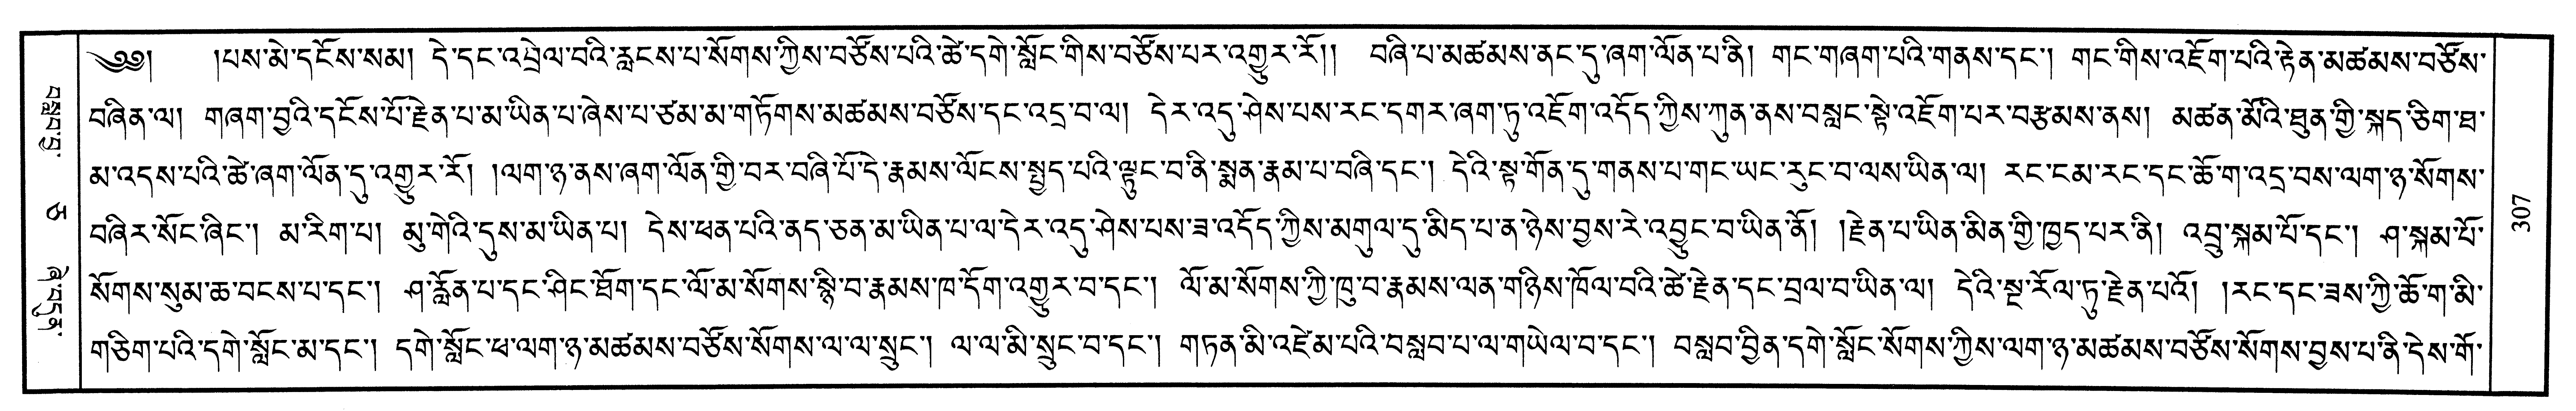༄༅། །པས་མེ་དངོས་སམ། དེ་དང་འབྲེལ་བའི་རླངས་པ་སོགས་ཀྱིས་བཙོས་པའི་ཚེ་དགེ་སློང་གིས་བཙོས་པར་འགྱུར་རོ།། བཞི་པ་མཚམས་ནང་དུ་ཞག་ལོན་པ་ནི། གང་གཞག་པའི་གནས་དང་། གང་གིས་འཇོག་པའི་རྟེན་མཚམས་བཙོས་
བཞིན་ལ། གཞག་བྱའི་དངོས་པོ་རྗེན་པ་མ་ཡིན་པ་ཞེས་པ་ཙམ་མ་གཏོགས་མཚམས་བཙོས་དང་འདྲ་བ་ལ། དེར་འདུ་ཤེས་པས་རང་དགར་ཞག་ཏུ་འཇོག་འདོད་ཀྱིས་ཀུན་ནས་བསླང་སྟེ་འཇོག་པར་བརྩམས་ནས། མཚན་མོའི་ཐུན་གྱི་སྐད་ཅིག་ཐ་
མ་འདས་པའི་ཚེ་ཞག་ལོན་དུ་འགྱུར་རོ། །ལག་ཉ་ནས་ཞག་ལོན་གྱི་བར་བཞི་པོ་དེ་རྣམས་ལོངས་སྤྱད་པའི་ལྟུང་བ་ནི་སྨན་རྣམ་པ་བཞི་དང་། དེའི་སྟ་གོན་དུ་གནས་པ་གང་ཡང་རུང་བ་ལས་ཡིན་ལ། རང་ངམ་རང་དང་ཆོ་ག་འདྲ་བས་ལག་ཉ་སོགས་
བཞིར་སོང་ཞིང་། མ་རིག་པ། མུ་གེའི་དུས་མ་ཡིན་པ། དེས་ཕན་པའི་ནད་ཅན་མ་ཡིན་པ་ལ་དེར་འདུ་ཤེས་པས་ཟ་འདོད་ཀྱིས་མགུལ་དུ་མིད་པ་ན་ཉེས་བྱས་རེ་འབྱུང་བ་ཡིན་ནོ། །རྗེན་པ་ཡིན་མིན་གྱི་ཁྱད་པར་ནི། འབྲུ་སྐམ་པོ་དང་། ཤ་སྐམ་པོ་
སོགས་སུམ་ཆ་བངས་པ་དང་། ཤ་རློན་པ་དང་ཤིང་ཐོག་དང་ལོ་མ་སོགས་སྙི་བ་རྣམས་ཁ་དོག་འགྱུར་བ་དང་། ལོ་མ་སོགས་ཀྱི་ཁུ་བ་རྣམས་ལན་གཉིས་ཁོལ་བའི་ཚེ་རྗེན་དང་བྲལ་བ་ཡིན་ལ། དེའི་སྔ་རོལ་ཏུ་རྗེན་པའོ། །རང་དང་ཟས་ཀྱི་ཆོ་ག་མི་
གཅིག་པའི་དགེ་སློང་མ་དང་། དགེ་སློང་ཕ་ལག་ཉ་མཚམས་བཙོས་སོགས་ལ་ལ་སྲུང་། ལ་ལ་མི་སྲུང་བ་དང་། གཏན་མི་འཛེམ་པའི་བསླབ་པ་ལ་གཡེལ་བ་དང་། བསླབ་བྱིན་དགེ་སློང་སོགས་ཀྱིས་ལག་ཉ་མཚམས་བཙོས་སོགས་བྱས་པ་ནི་དེས་གོ་